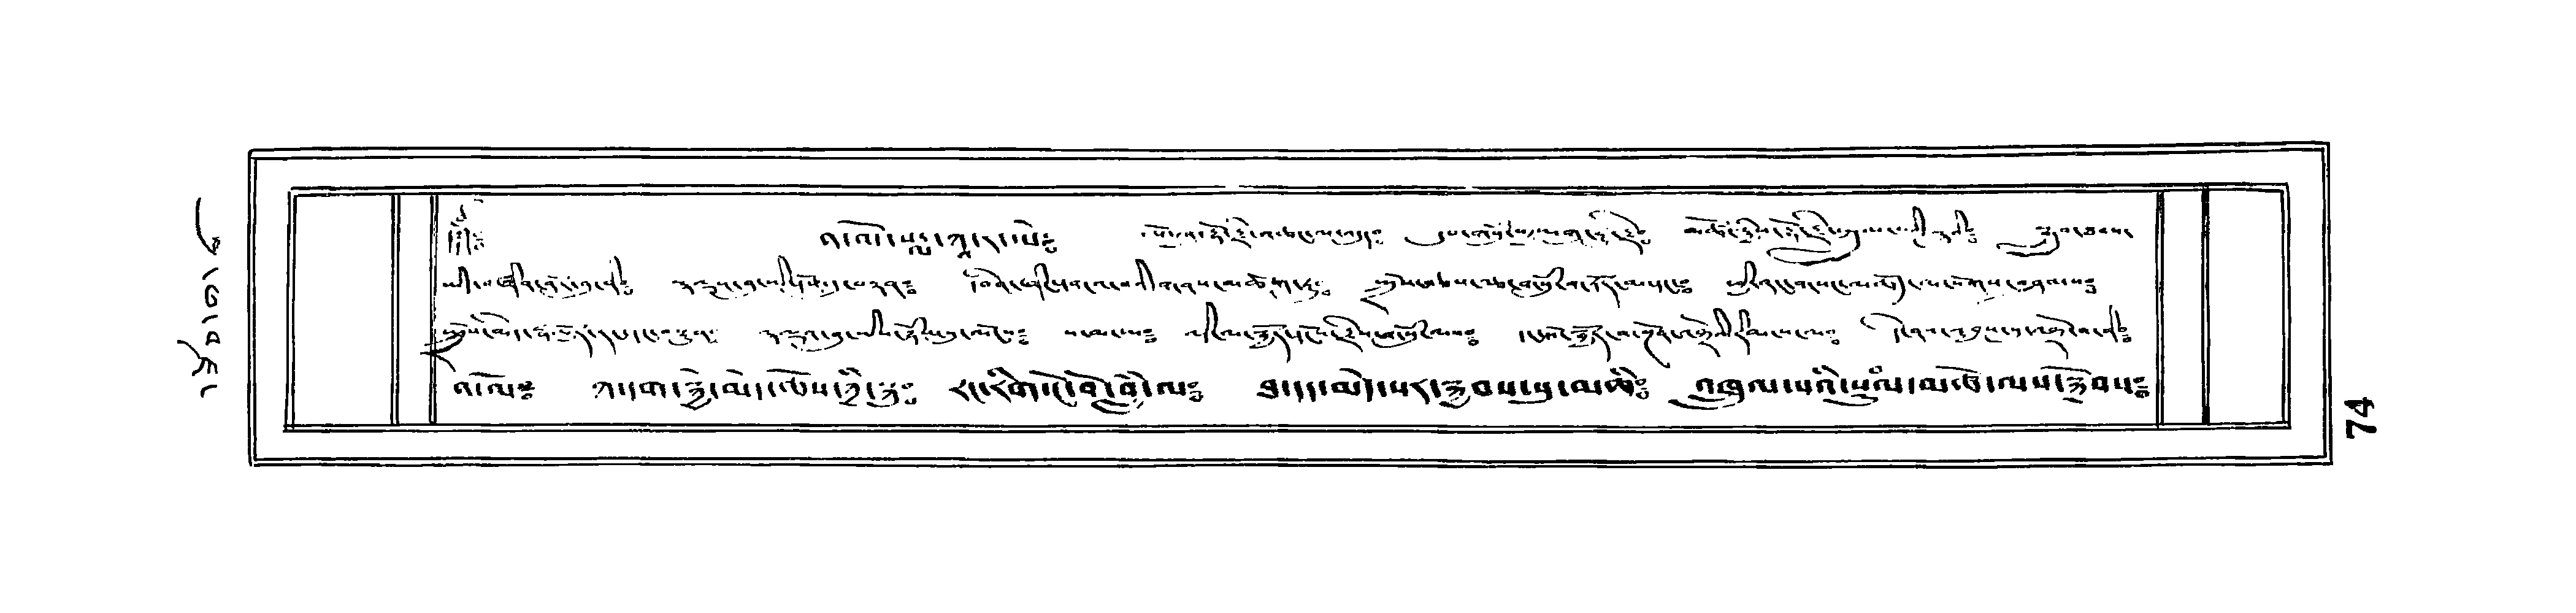ན་མོ་པདྨ་ཀཱ་ར་ཡེ༔ ཨོ་རྒྱན་རྡོ་རྗེ་འཆང་ལ་འདུད༔ དུས་གསུམ་སངས་རྒྱས་གུ་རུ་རྗེ༔ མཚོ་སྐྱེས་རྡོ་རྗེ་སྤྲུལ་པའི་སྐུ༔ སྒྲུབ་ཐབས་
ཡིད་བཞིན་ནོར་བུ་ནི༔ སྐལ་ལྡན་བུ་ཡི་དོན་དུ་བསྟན༔ དབེན་ཞིང་དགའ་བའི་གནས་མཆོག་ཏུ༔ སྤྲོས་བཅས་རྩ་གསུམ་གཏོར་མ་དང༔ ཕྱི་ནང་གསང་མཆོད་ལ་སོགས་བཤམས༔ 
སྤྲོས་མེད་རྣལ་འབྱོར་རང་དང་བསྟུན༔ སྐལ་ལྡན་བུ་ཡིས་ཉམས་སུ་ལོངས༔ ས་མ་ཡ༔ འདི་ལ་སྦྱོར་དངོས་རྗེས་གསུམ་ལས༔ དང་པོ་སྦྱོར་བ་སྔོན་འགྲོའི་རིམ་པ་ལ༔ དེ་ནས་སྐྱབས་སུ་འགྲོ་བ་ནི༔ 
ན་མོ༔ ཀ་དག་སྐྱེ་མེད་ཆོས་ཀྱི་སྐུ༔ རང་རིག་ངོ་བོ་བླ་མ་ལ༔ ཐ་དད་མེད་པར་སྐྱབས་སུ་མཆི༔ འཁྲུལ་པའི་སྡུག་བསྔལ་མཚོ་ལས་སྐྱོབས༔